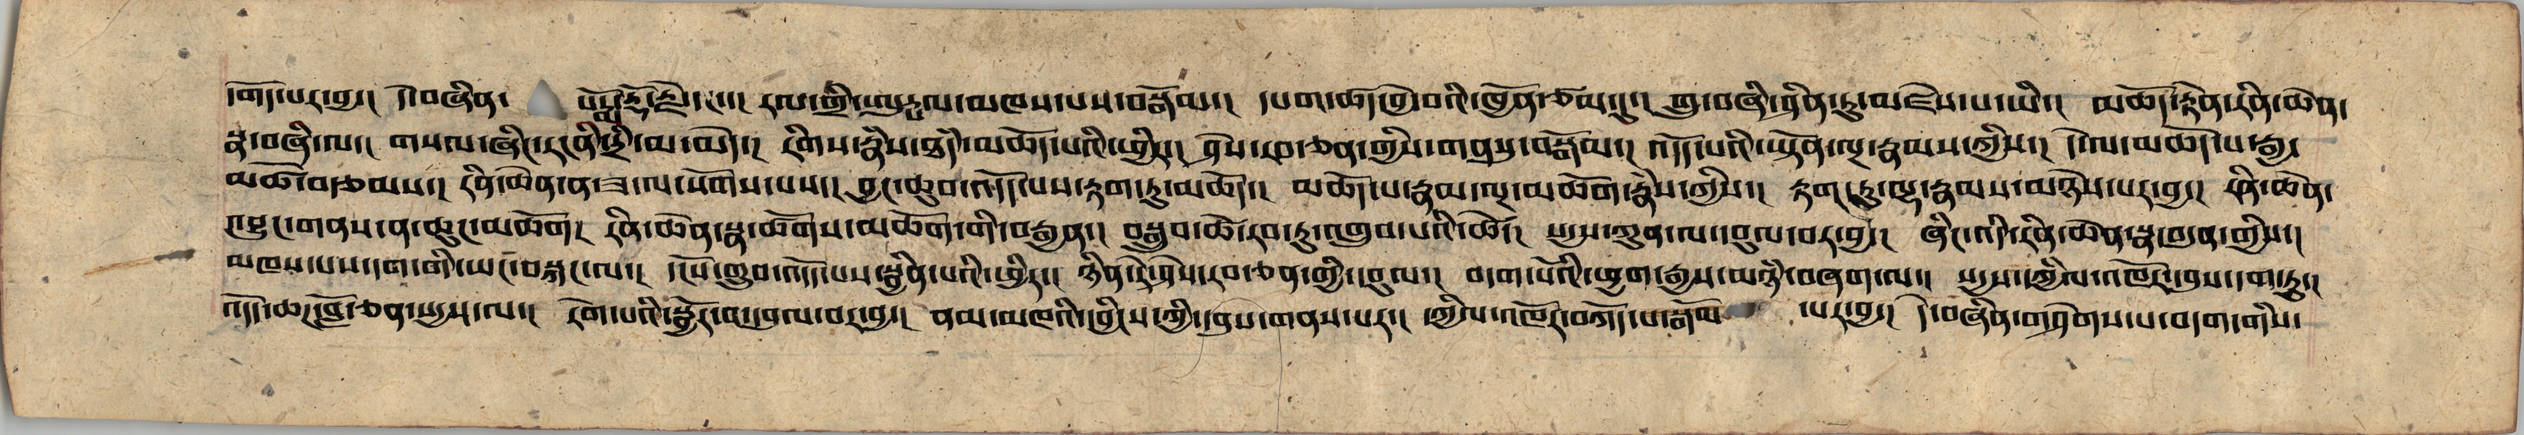དགོད་པར་བྱ་། དེ་བཞིན་ པདྨོ་རྡོ་རྗེ་དང་་། རལ་གྲི་ཨུཏྤལ་མཁས་པས་བསྒོམ་། དཔག་ཚད་བྱེ་བའི་ཁྱོན་ཙམ་དུ་། གྲུ་བཞི་ཤིན་ཏུ་མཛེས་པ་ཡི་། མཆོད་རྟེན་རིན་ཆེན་
སྣ་བཞི་ལས་། གསལ་ཞིང་རངིན་དྲི་མ་མེད་། རིགས་རྣཾས་ཐཾད་མཆོད་པའི་ཕྱིར་། ཤེས་རབ་ཅན་གྱིས་གནསུ་བསྒཽམ་། འདོད་པའི་ཡྟོན་ལྔ་རྣམས་ཀྱིས་། དེ་ལ་མཆོད་པ་རྒྱ་
མཚོ་བརྩམས་། རིན་ཆེན་ན་ཟ་ལ་སོགས་པས་། བྱང་ཆུབ་འདོད་པས་རྟག་ཏུ་མཆོད་། མཆོད་པ་རྣམ་ལྔ་མཆོག་རྣཾས་ཀྱིས་། རྟག་ཏུ་ལྷ་རྣམས་ཉེས་པར་བྱ་། རིན་ཆེན་
འབྱུང་གནས་ན་ཆུང་མཆོག། རིན་ཆེན་སྣ་ཚོགས་མཆོག་གི་བརྒྱན་། བསྒྲུབ་ཚེ་རབ་ཏུ་འགྲུབ་པའི་ཚེ་། སདྱས་ཀུན་ལ་དབུལ་བར་བྱ་། ཞིང་འདི་རིན་ཆེན་སྣ་བདུན་གྱིས་།
མཁས་པས་དག་གི་ཡང་བསྐང་ལ་། དངོས་གྲུབ་འདོད་པས་སྦྱིན་པའི་ཕྱིར་། ཉིན་རེ་ཤེས་རབ་ཅན་གྱི་དབུལ་། བདག་པོའི་ཕྱག་རྒྱས་མཉཾ་བཞག་ལ་། སདྱས་དཀྱིལ་འཁོར་དབུས་དག་ཏུ་།
འདོད་ཆཌ་བློ་ཅན་སདྱས་ལ་། རེག་པའི་སྦྱོར་བ་དབུལ་བར་བྱ་། ནམ་མཁའི་དབྱིངས་ཀྱི་དབུས་གནས་པར་། དཀྱིལ་འཁོར་བཀོད་པ་སྒོམ་ པར་བྱ་། དེ་བཞིན་གཤེགས་པ་བདག་གིས་